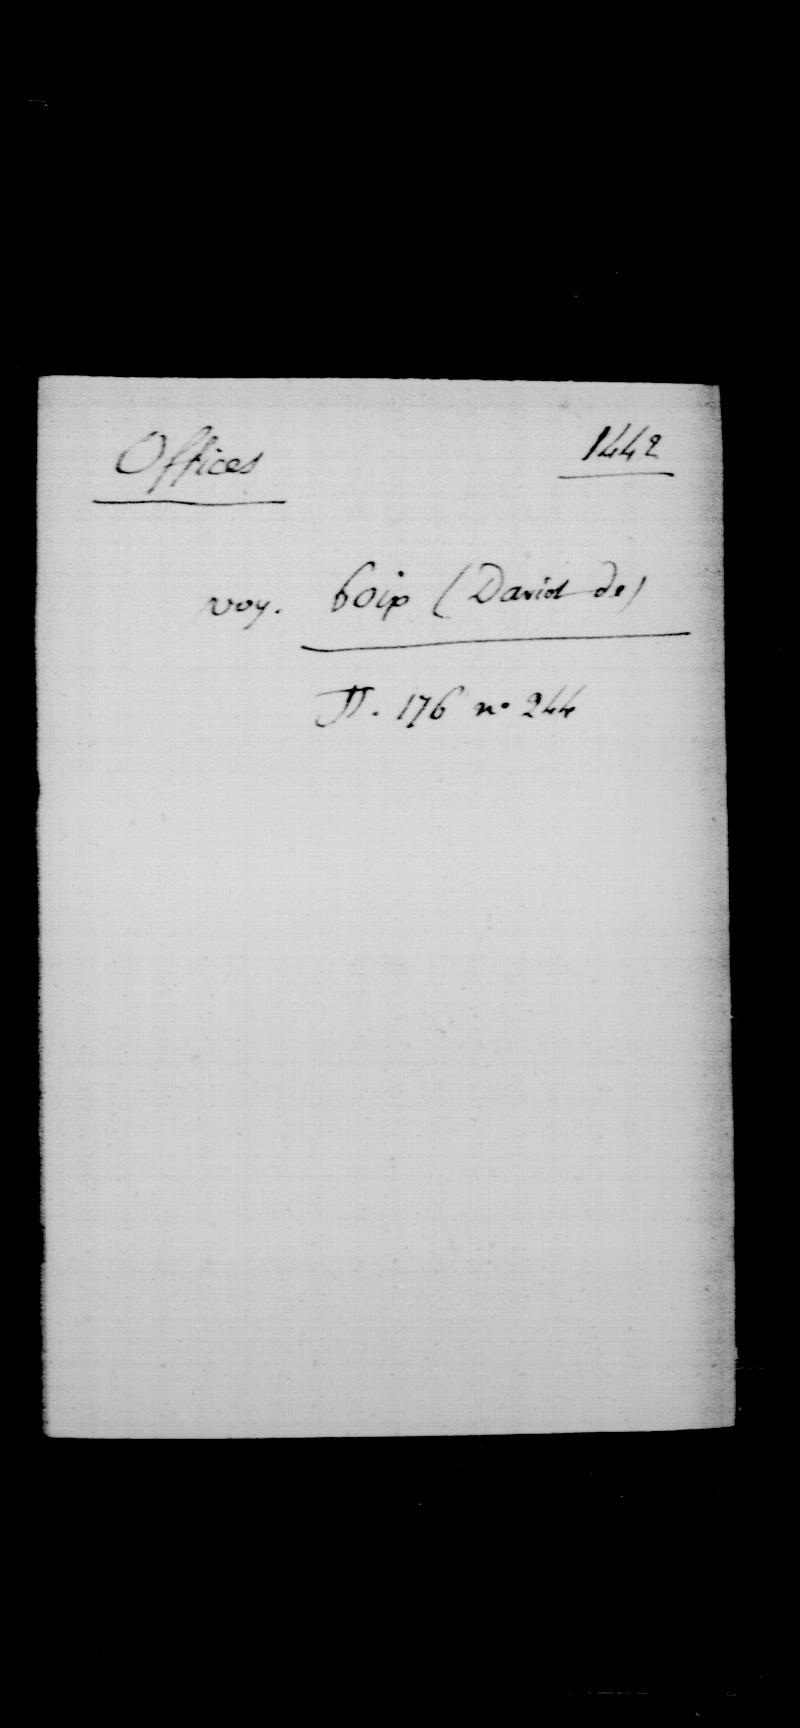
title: Offices
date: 1442
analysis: Voir Poix (Daviot de)
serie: JJ
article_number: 176
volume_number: n° 244
